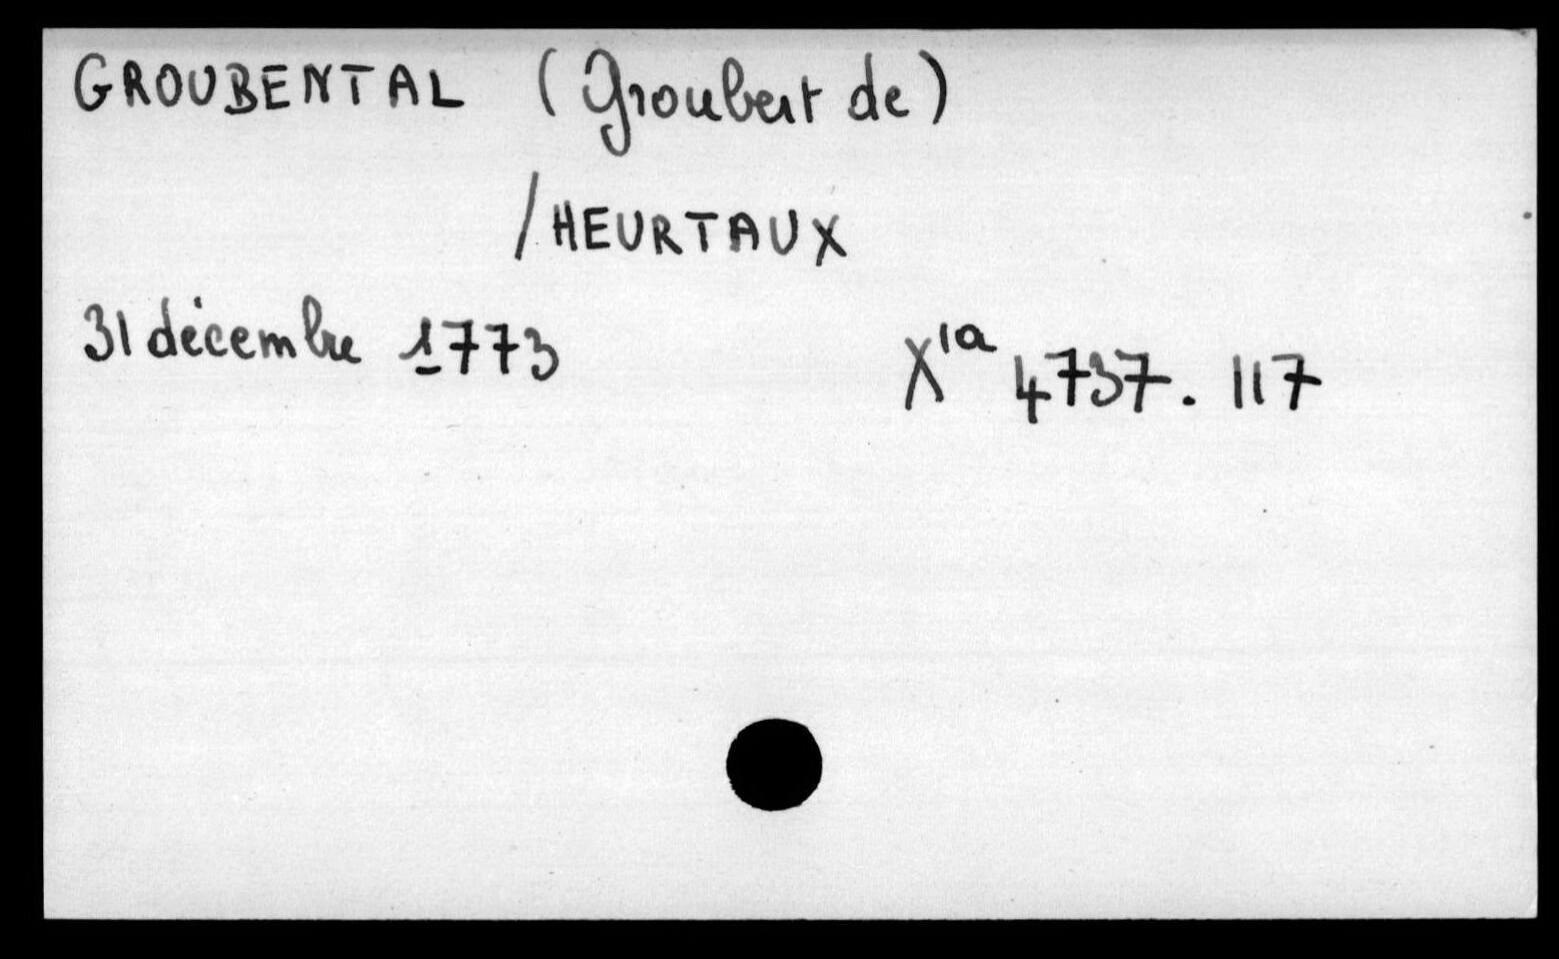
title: GROUBENTAL (Groubert de)
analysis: Contre HEURTAUX
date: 31 décembre 1773
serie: X1a
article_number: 4737
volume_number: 117
